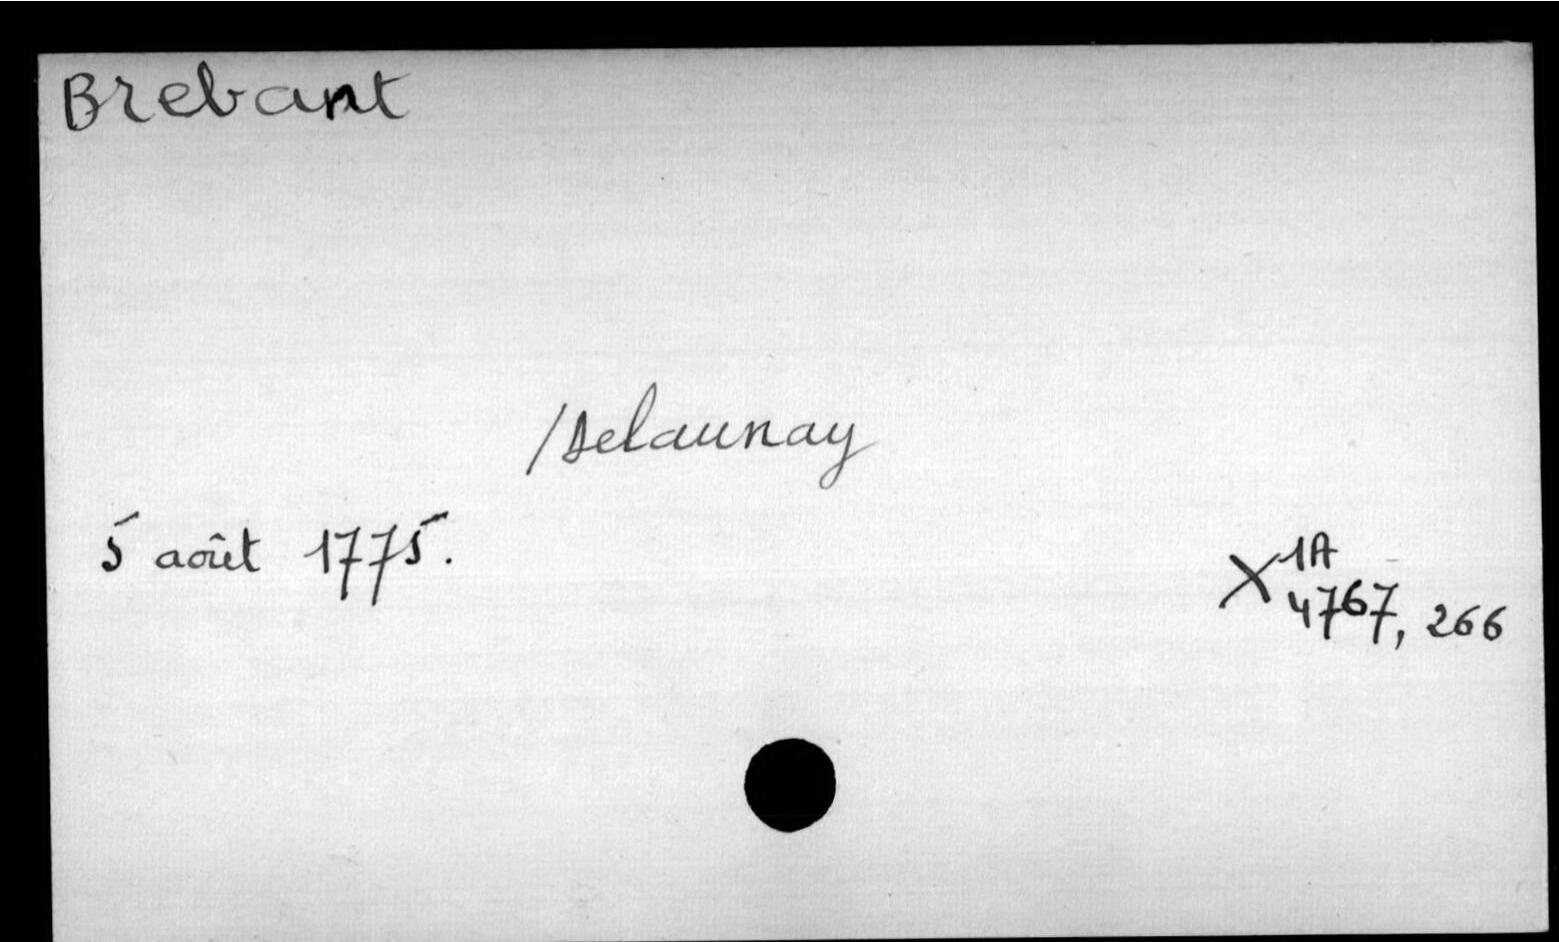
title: Brebant
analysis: Contre Delaunay
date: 5 août 1775
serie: X1A
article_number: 4767
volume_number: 266
